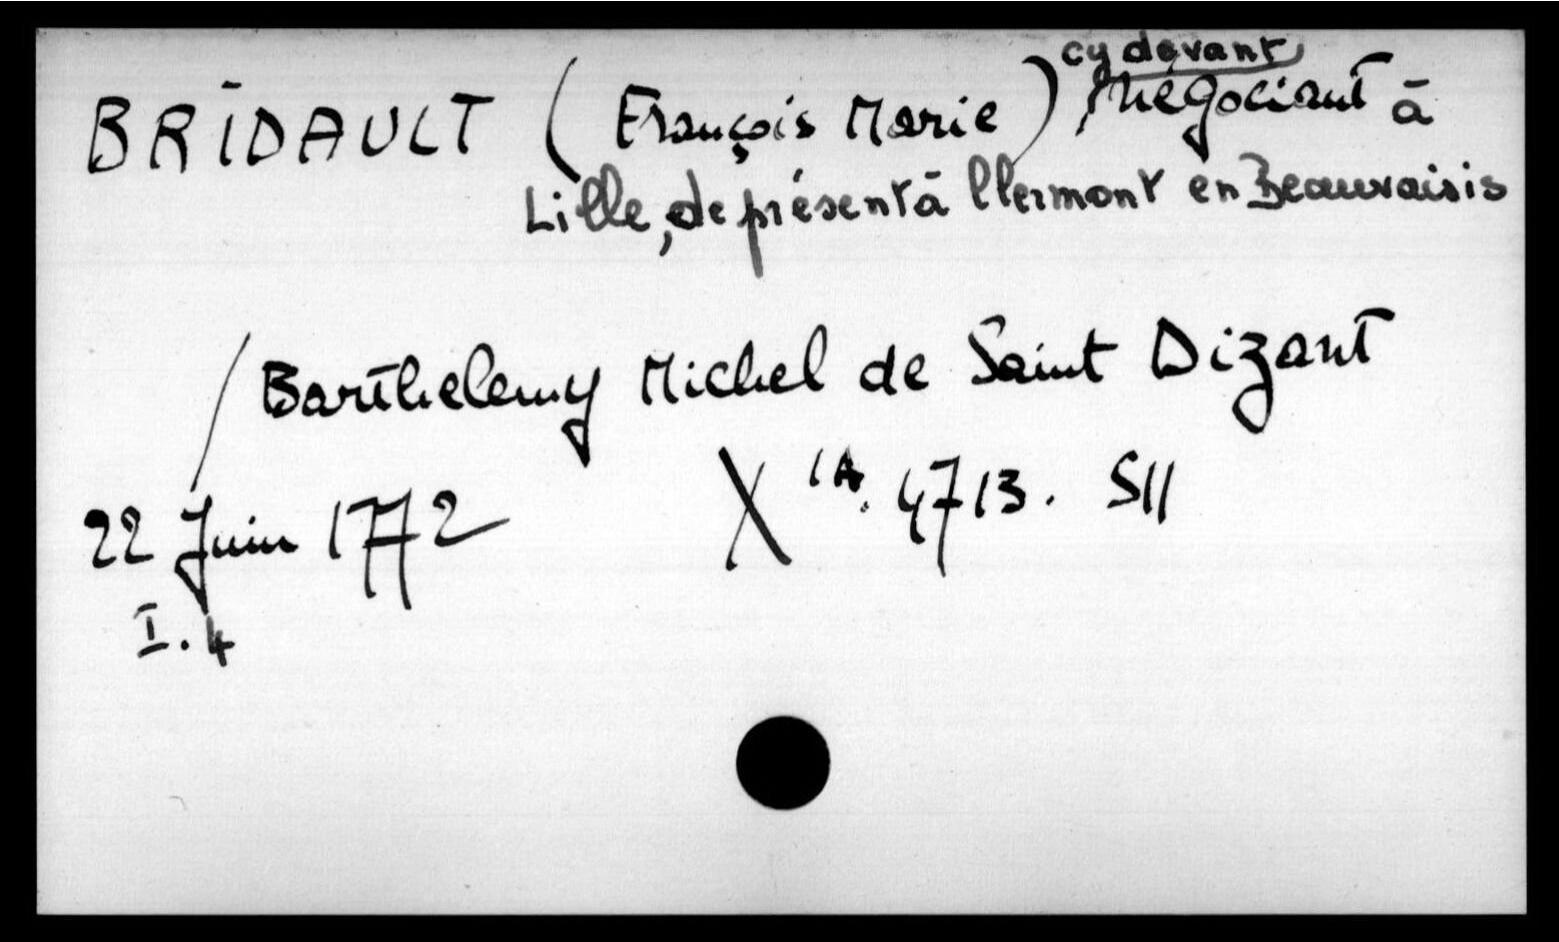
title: BRIDAULT (François Marie) cy devant négociant à Lille, de présent à Clermont en Beauvaisis
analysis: Contre Barthélemy Michel de Saint Dizant
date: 22 juin 1772
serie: X1A
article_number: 4713
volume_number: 511 Instances 4
